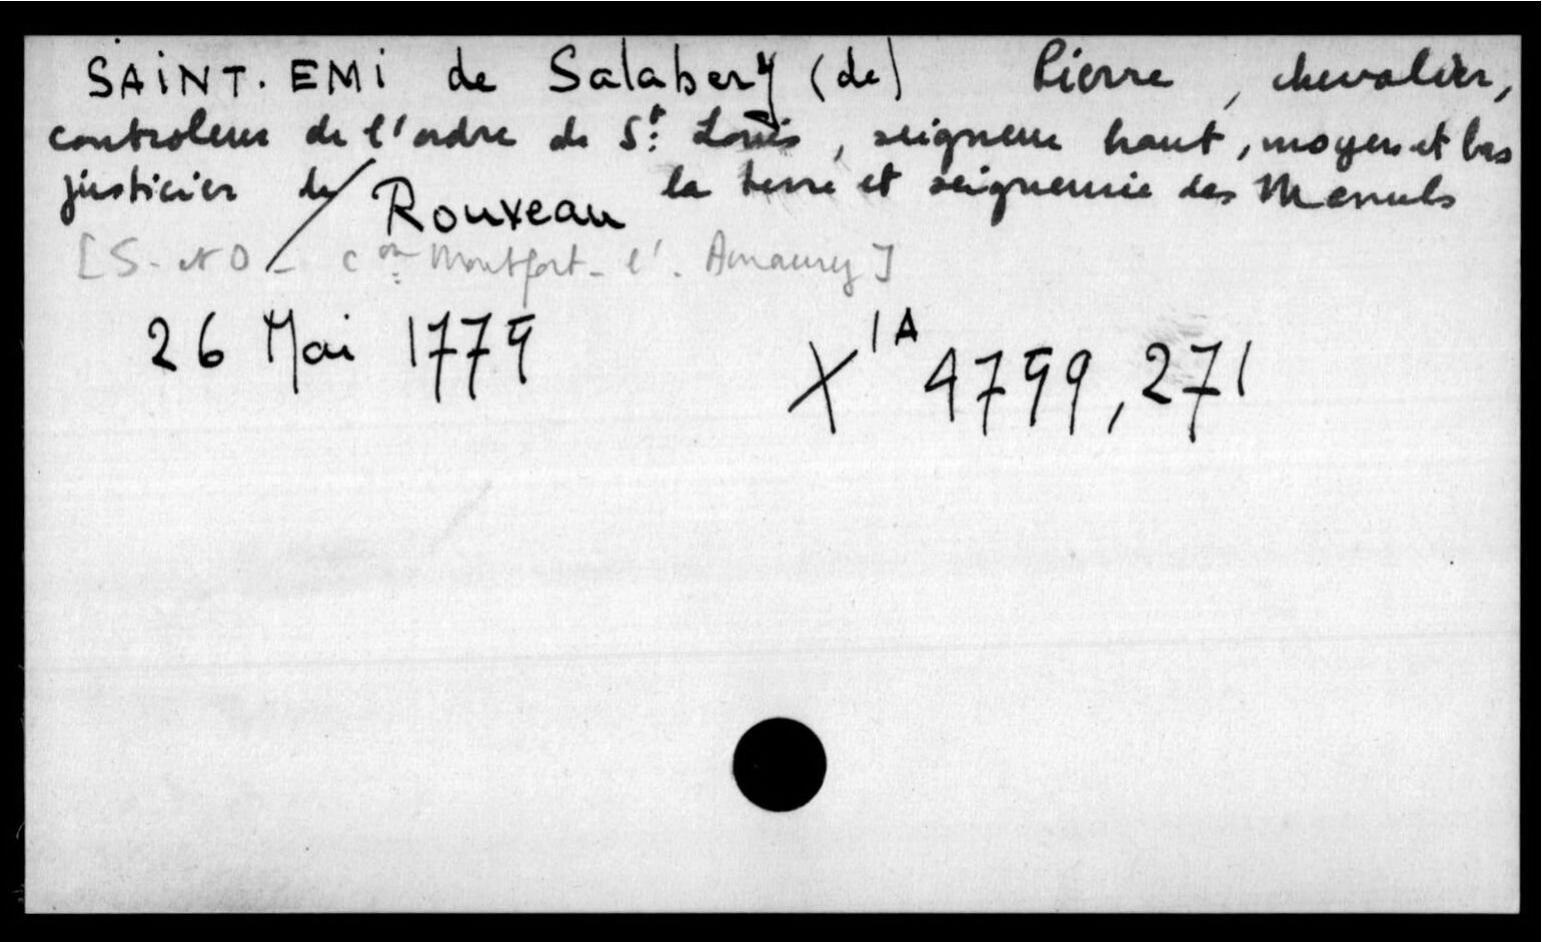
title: SAINT-EMI de Salabery (de) Pierre, chevalier, contrôleur de l'ordre de Saint Louis, seigneur haut, moyen et bas justicier de la terre et seigneurie des Menuls [Seine-et-Oise, canton Montfort-l'Amaury]
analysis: Contre ROUVEAU
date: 26 mai 1775
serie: X1A
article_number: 4759
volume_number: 271
